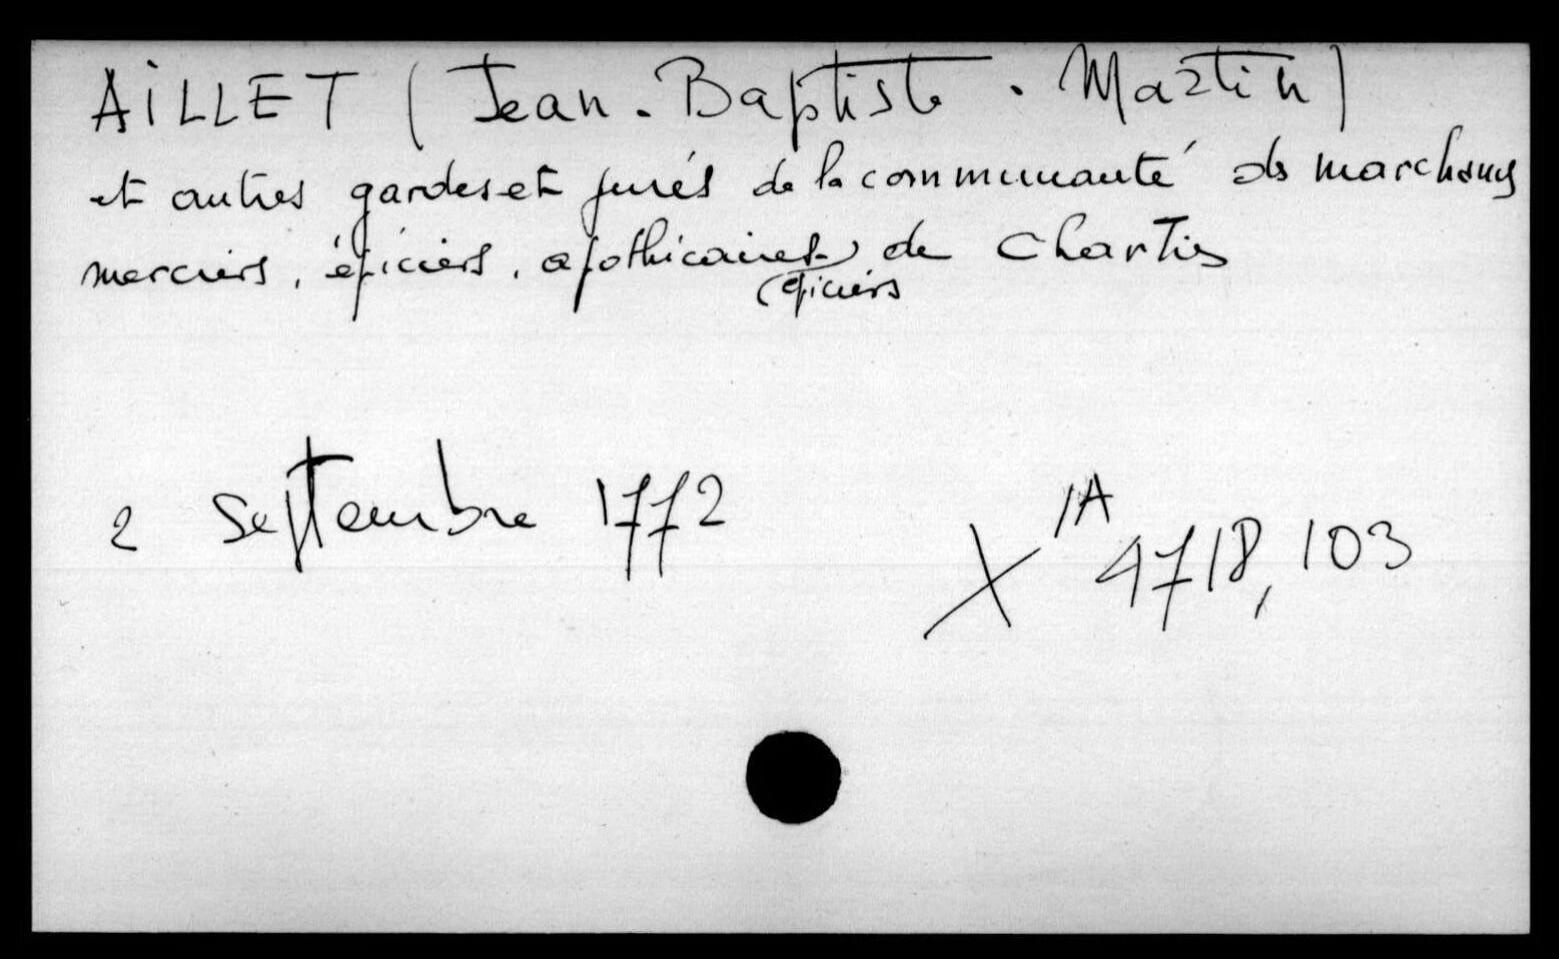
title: AILLET (Jen-Baptiste Martin) et autres gardes et jurés de la communauté des marchands merciers, épiciers, apothicaires -épiciers de Chartres
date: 2 septembre 1772
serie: X1A
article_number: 4718
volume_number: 103
